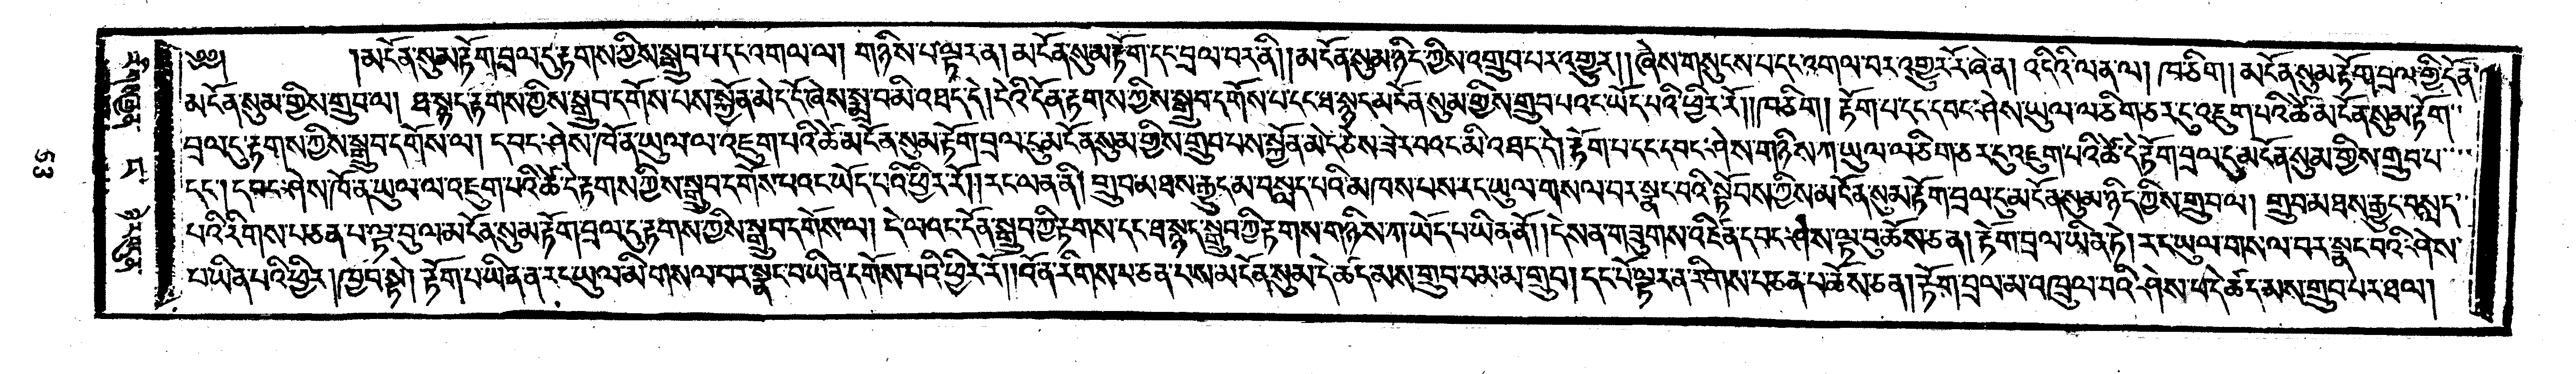༄༅། །མངོན་སུམ་རྟོག་བྲལ་དུ་རྟགས་ཀྱིས་སྒྲུབ་པ་དང་འགལ་ལ། གཉིས་པ་ལྟར་ན། མངོན་སུམ་རྟོག་དང་བྲལ་བར་ནི། །མངོན་སུམ་ཉིད་ཀྱིས་འགྲུབ་པར་འགྱུར། །ཞེས་གསུངས་པ་དང་འགལ་བར་འགྱུར་རོ་ཞེ་ན། འདིའི་ལན་ལ། ཁ་ཅིག །མངོན་སུམ་རྟོག་བྲལ་གྱི་དོན་
མངོན་སུམ་གྱིས་གྲུབ་ལ། ཐ་སྙད་རྟགས་ཀྱིས་སྒྲུབ་དགོས་པས་སྐྱོན་མེད་དོ་ཞེས་སྨྲ་བ་མི་འཐད་དེ། དེའི་དོན་རྟགས་ཀྱིས་སྒྲུབ་དགོས་པོ་དང་ཐ་སྙད་མངོན་སུམ་གྱིས་གྲུབ་པའང་ཡོད་པའི་ཕྱིར་རོ། །ཁ་ཅིག །རྟོག་པ་དང་དབང་ཤེས་ཡུལ་ལ་ཅིག་ཅར་དུ་འཇུག་པའི་ཚེ་མངོན་སུམ་རྟོག་
བྲལ་དུ་རྟགས་ཀྱིས་སྒྲུབ་དགོས་ལ། དབང་ཤེས་ཁོ་ན་ཡུལ་ལ་འཇུག་པའི་ཚེ་མངོན་སུམ་རྟོག་བྲལ་དུ་མངོན་སུམ་གྱིས་གྲུབ་པས་སྐྱོན་མེད་ཅེས་ཟེར་བའང་མི་འཐད་དེ། རྟོག་པ་དང་དབང་ཤེས་གཉིས་ཀ་ཡུལ་ལ་ཅིག་ཅར་དུ་འཇུག་པའི་ཚེ་དེ་རྟོག་བྲལ་དུ་མངོན་སུམ་གྱིས་གྲུབ་པ་
དང་། དབང་ཤེས་ཁོ་ན་ཡུལ་ལ་འཇུག་པའི་ཚེ་དེ་རྟགས་ཀྱིས་སྒྲུབ་དགོས་པའང་ཡོད་པའི་ཕྱིར་རོ། །རང་ལན་ནི། གྲུབ་མཐས་རྒྱུད་མ་བསླད་པའི་མཁས་པས་རང་ཡུལ་གསལ་བར་སྣང་བའི་སྟོབས་ཀྱིས་མངོན་སུམ་རྟོག་བྲལ་དུ་མངོན་སུམ་ཉིད་ཀྱིས་གྲུབ་ལ། གྲུབ་མཐས་རྒྱུད་བསླད་
པའི་རིགས་པ་ཅན་པ་ལྟ་བུ་ལ་མངོན་སུམ་རྟོག་བྲལ་དུ་རྟགས་ཀྱིས་སྒྲུབ་དགོས་ལ། དེ་ལའང་དོན་སྒྲུབ་ཀྱི་རྟགས་དང་ཐ་སྙད་སྒྲུབ་ཀྱི་རྟགས་གཉིས་ཀ་ཡོད་པ་ཡིན་ནོ། །དེས་ན་གཟུགས་འཛིན་དབང་ཤེས་ལྟ་བུ་ཆོས་ཅན། རྟོག་བྲལ་ཡིན་ཏེ། རང་ཡུལ་གསལ་བར་སྣང་བའི་ཤེས་
པ་ཡིན་པའི་ཕྱིར། ཁྱབ་སྟེ། རྟོག་པ་ཡིན་ན་རང་ཡུལ་མི་གསལ་བར་སྣང་བ་ཡིན་དགོས་པའི་ཕྱིར་རོ། །འོ་ན་རིགས་པ་ཅན་པས་མངོན་སུམ་དེ་ཚད་མས་གྲུབ་བམ་མ་གྲུབ། དང་པོ་ལྟར་ན་རིགས་པ་ཅན་པ་ཆོས་ཅན། རྟོག་བྲལ་མ་འཁྲུལ་བའི་ཤེས་པ་དེ་ཚད་མས་གྲུབ་པར་ཐལ།